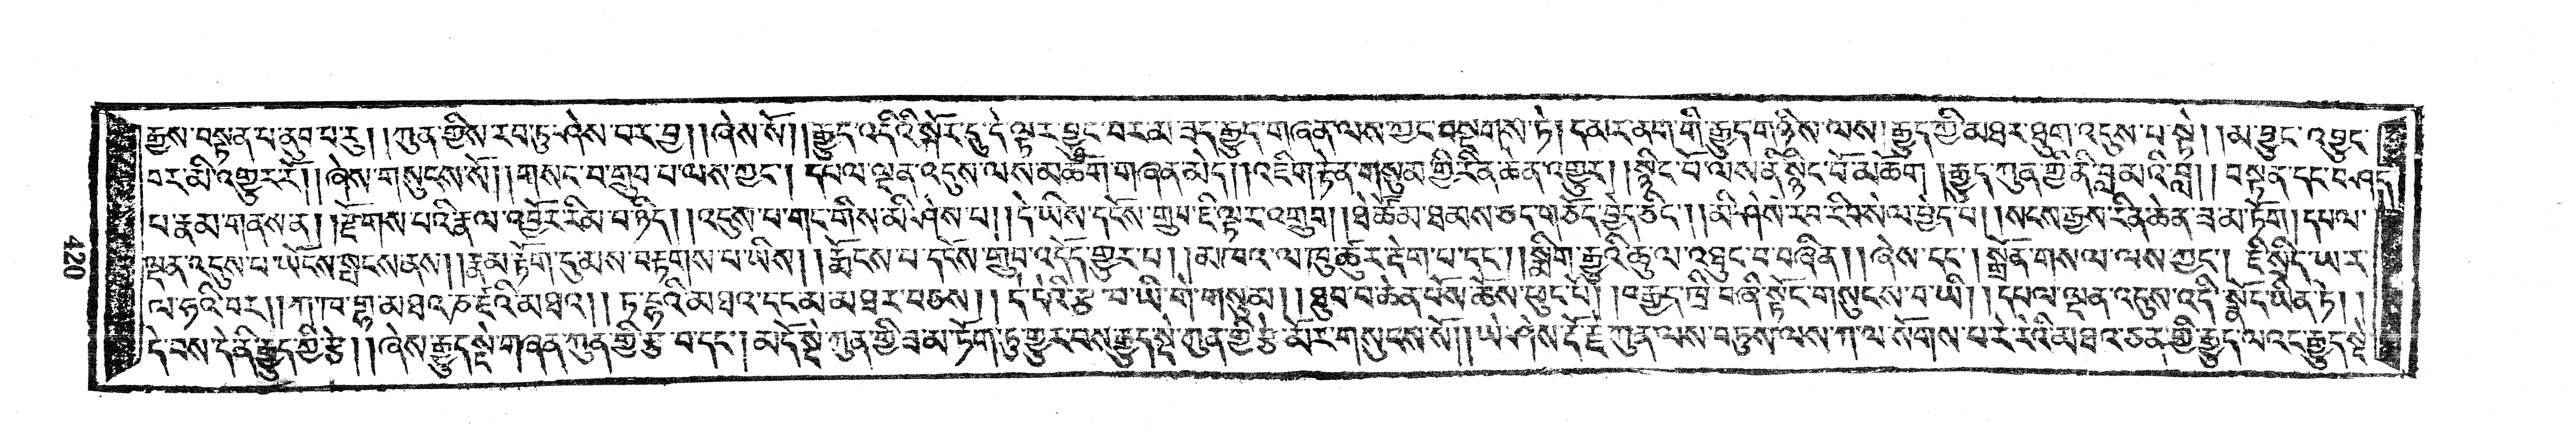རྒྱས་བསྟན་པ་ནུབ་པ་རུ། །ཀུན་གྱིས་རབ་ཏུ་ཤེས་པར་བྱ། །ཞེས་སོ། །རྒྱུད་འདིའི་སྐེར་དུ་དེ་ལྟར་བྱུང་བར་མ་ཟད་རྒྱུད་གཞན་ལས་ཀྱང་བསྔགས་ཏེ། དམར་ནག་གི་རྒྱུད་གཉིས་ལས། རྒྱུད་ཀྱི་མཐར་ཐུག་འདུས་པ་སྟེ། །མ་བྱུང་འབྱུང་
བར་མི་འགྱུར་རོ། །ཞེས་གསུངས་སོ། །གསང་བ་གྲུབ་པ་ལས་ཀྱང་། དཔལ་ལྡན་འདུས་ལས་མཆོག་གཞན་མེད། །འཇིག་རྟེན་གསུམ་གྱི་རིན་ཆེན་འགྱུར། །སྙིང་པོ་ལས་ནི་སྙིང་པོ་མཆོག །རྒྱུད་ཀུན་གྱི་ནི་བླ་མའི་བླ། །བསྟན་དང་བཤད་
པ་རྣམ་གནས་ན། །རྫོགས་པའི་རྣལ་འབྱོར་རིམ་པ་ཉིད། །འདུས་པ་གང་གིས་མི་ཤེས་པ། །དེ་ཡིས་དངོས་གྲུབ་ཇི་ལྟར་འགྲུབ། །ཐེ་ཚོམ་ཐམས་ཅད་གཅོད་བྱེད་ཅིང་། །མི་ཤེས་རབ་རིབ་སེལ་བྱེད་པ། །སངས་རྒྱས་རིན་ཆེན་ཟ་མ་ཏོག །དཔལ་
ལྡན་འདུས་པ་ཡོངས་སྤངས་ནས། །རྣམ་རྟོག་དུ་མས་བརྟགས་པ་ཡིས། །རྨོངས་པ་དངོས་གྲུབ་འདོད་གྱུར་པ། །མཁའ་ལ་ཁུ་ཚུར་རྡེག་པ་དང་། །སྨིག་རྒྱུའི་ཆུ་ལ་འཐུང་བ་བཞིན། །ཞེས་དང་། སྒྲོན་གསལ་ལས་ཀྱང་། ཇི་སྲིད་ཡ་ར་
ལ་ཧའི་བར། །ཀ་ཁ་གྷ་མཐའ་ཎ་ཇོའི་མཐའ། །ཏྲ་དྷའི་མཐའ་དང་མ་མཐར་བཅས། །དེ་དེའི་རྩ་བ་ཡི་གེ་གསུམ། །ཐུབ་པ་ཆེན་པོས་ཆོས་ཕུང་པོ། །བརྒྱད་ཁྲི་བཞི་སྟོང་གསུངས་བ་ཡི། །དཔལ་ལྡན་འདུས་འདི་སྣོད་ཡིན་ཏེ། །
དེ་བས་དེ་ནི་རྒྱུད་ཀྱི་རྩེ། །ཞེས་རྒྱུད་སྡེ་གཞན་ཀུན་གྱི་རྩ་བ་དང་། མདོ་སྡེ་ཀུན་གྱི་ཟ་མ་ཏོག་ཏུ་གྱུར་པས་རྒྱུད་སྡེ་ཀུན་གྱི་རྩེ་མོར་གསུངས་སོ། །ཡེ་ཤེས་རྡོ་རྗེ་ཀུན་ལས་བཏུས་ལས་ཀ་ལ་སོགས་པ་རེ་རེའི་མཐའ་ཅན་གྱི་རྒྱུད་ལའང་རྒྱུད་སྡེ་